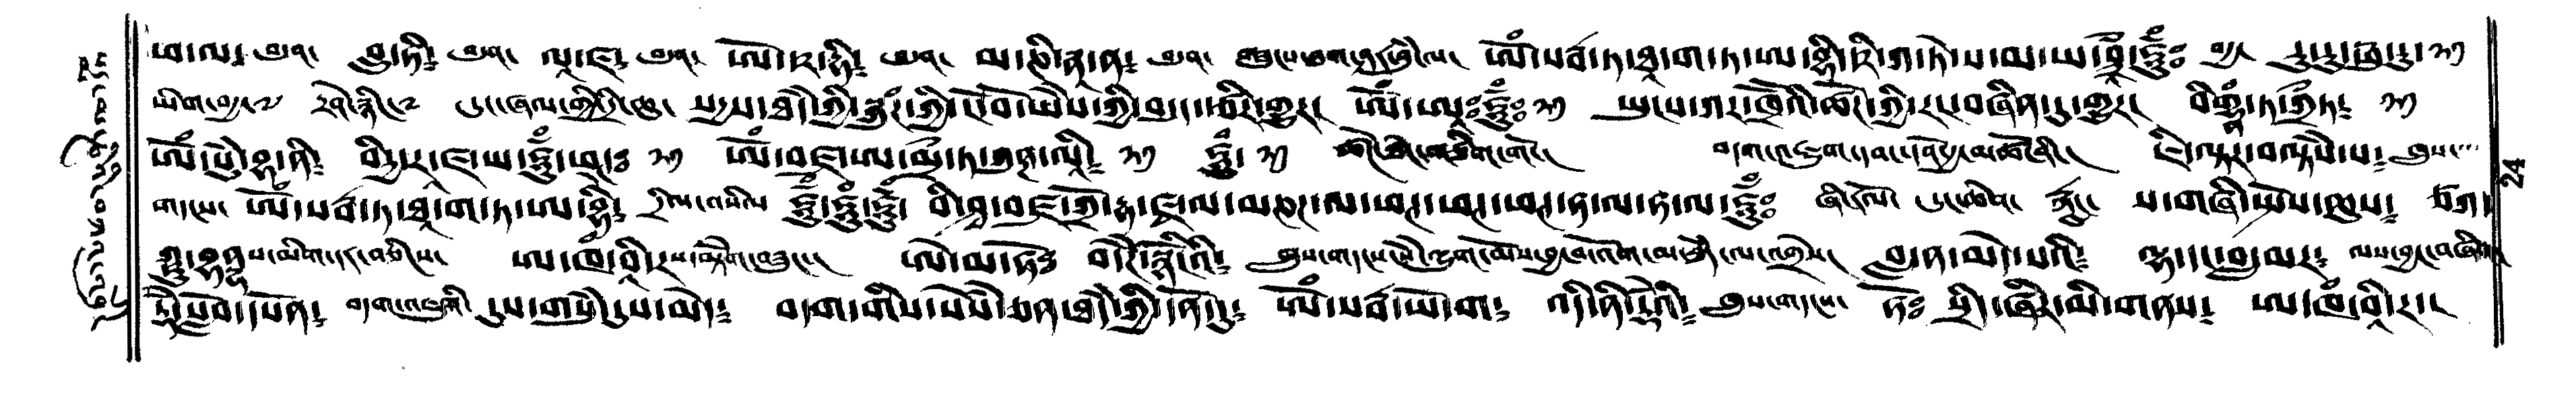ཕ་ལ༴ བདུན། བྲུ་ཧི༴ བདུན། ལཱ་ཛ༴ བདུན། ཨོ་ར་དྷི༴ བདུན། མ་ཎི་སྣཱ་ན༴ བདུན། གཟུངས་ཐག་ཤར་བུམ་ལ། ཨོཾ་སརྦ་ཏ་ཐཱ་ག་ཏ་ཨ་བྷི་རི་ཀ་ཏེ་ས་མ་ཡ་ཤྲཱི་ཧཱུྃཿ བརྒྱ། རུ་རུ་སྥུ་རུ༴ ཉེར་གཅིག 
ཡིག་བརྒྱ་བདུན། རྟེན་སྙིང་གཉིས། དུང་ཞལ་གྱི་དྲི་ཆུ། སངས་རྒྱས་ཐམས་ཅད་སྐུ་གསུང་ཐུགས་ཀྱི་ངོ་བོ་ཡེ་ཤེས་ཀྱི་བདུད་རྩིར་གྱུར༔ ཨོཾ་ཨཱཿཧཱུྃ༔ ཉེར་གིཅག ཡུངས་ཀར་ཁྲོ་བོའི་ཚོགས་ཀྱི་རང་བཞིན་དུ་གྱུར༔ བིགྷྣན་ཏ་ཀྲྀཏ༴ བཅུ་གཅིག 
ཨོཾ་སུམ་བྷ་ནི༴ བིདྱ་རྭ་ཛ་ཡ་ཧཱུྃ་ཕཊ༔ ཉེར་གཅིག ཨོཾ་བཛྲ་ཨ་མྲྀ་ཏ་ཀུནྜ་ལཱི༴ ཉེར་གཅིག ཧཱུྃ༔ ཉེར་གཅིག ཚོགས་ཐེང་གཅིག་གོ བདག་འཇུག་དབང་དོན་རྒྱ་མཚོ་ནི། ཇི་ལྟར་བལྟམས་པ༴ ཁྲུས་
གདངས། ཨོཾ་སརྦ་ཏ་ཐཱ་ག་ཏ་ཨ་བྷི༴ དྲིལ་བསིལ། ཧཱུྃ་ཧཱུྃ་ཧཱུྃ༔ བི་ཤྭ་བཛྲ་ཀྲོ་དྷ་ཛྭ་ལ་མཎ་ཌ་ལ་ཕཊ་ཕཊ་ཧ་ལ་ཧ་ལ་ཧཱུྃ༔ ཞི་རོལ། དུང་ཆེན། རྐང་བཞི། ས་གཞི་སྤོས་ཆུས༴ ཙག་
ཀྵུ་བྷནྡྷ ས་མིག་དར་བཅིང་། ཨ་ཁཾ་བཱི་རས་མེ་ཏོག་གཟུང་། ཨེ་མ་ཧོཿ བདེ་གཤེགས་སྙིང་པོའི༴ ཁྲུས་གདངས་སམ་ལྷུག་མོས་བྱ་བ་འོག་མ་ཐམས་ཅད་ལ་འགྲེས། བླ་ན་མེད་པའི༴ ལྷ་དང་བླ་མར༴ ལས་བྱང་བཞིན། 
རྡོ་རྗེ་སློབ་དཔོན༴ བདག་འཇུག་གི དུས་གསུམ་དུས་མེད༴ བདག་གིས་སེམས་ཅན་ཐམས་ཅད་ཀྱི་དོན་དུ༴ ཨོཾ་སརྦ་ཡོ་ག༴ འདི་ནི་རྡོ་རྗེའི༴ ཁྲུས་གདངས། ཧོཿ སྲིད་ཞིར་མི་གནས༴ ཨ་ཁཾ་བཱི་ར༴